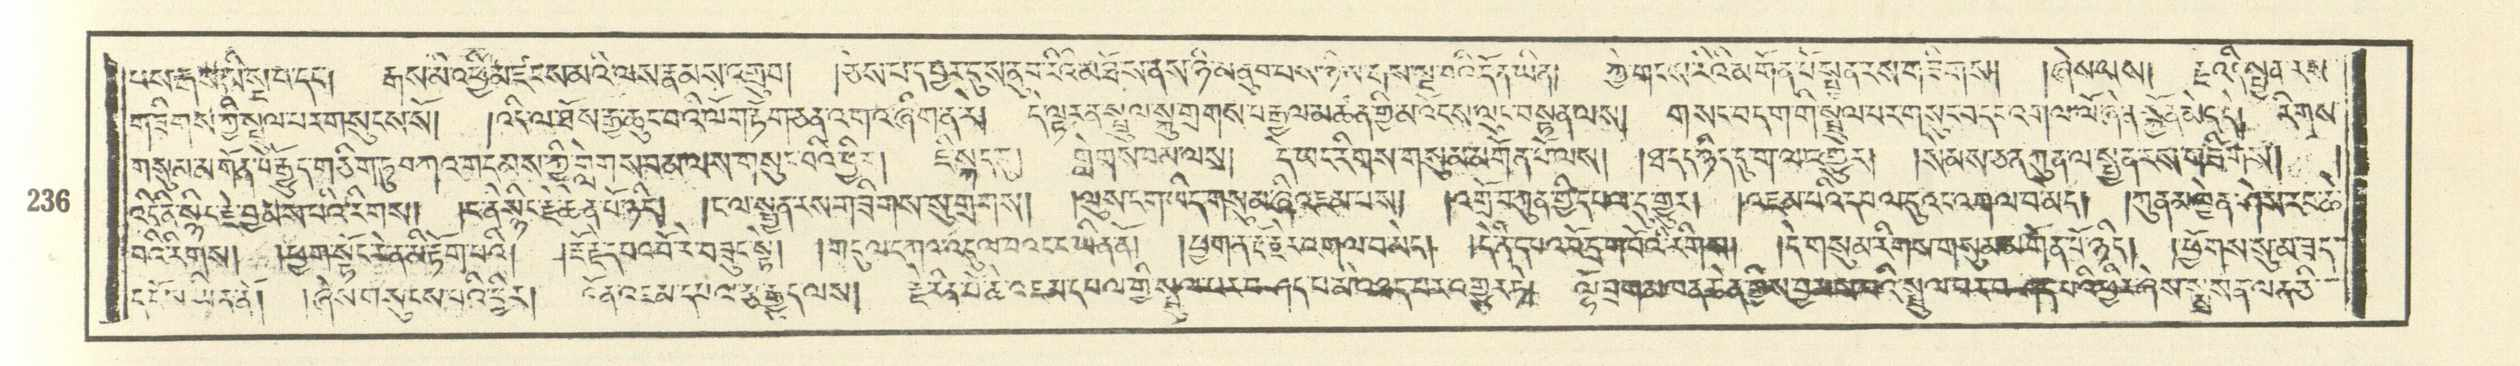པས་རྒས་མི་སྔ་བ་དང་། རྒས་མི་འཕྱི་མཛངས་མའི་ལས་རྣམས་འགྲུབ། །ཅེས་པ་དབྱར་དུས་ནུབ་རིའི་མཐོས་ནས་ཉི་མ་ནུབ་པས་ཉི་མ་རྒས་སྔ་བའི་དོན་ཡིན། ཀྱེ་གངས་རིའི་མགོན་པོ་སྤྱན་རས་གཟིགས། །ཞེས་པས། རྗེ་འདི་སྤྱན་རས་
གཟིགས་ཀྱི་སྤྲུལ་པར་གསུངས་སོ། །འདི་ལ་ཐོས་རྒྱ་ཆུང་བའི་ལོག་རྟོག་ཅན་འགའ་ཞིག་ན་རེ། དེ་ལྟར་ན་སྤྲུལ་སྐུ་གྲགས་པ་རྒྱལ་མཚན་གྱི་མ་འོངས་ལུང་བསྟན་ལས། གསང་བདག་གི་སྤྲུལ་པར་གསུང་བ་དང་འགལ་ལོ་ཞེ་ན་སྐྱོན་མེད་དེ། རིགས་
གསུམ་མགོན་པོ་རྒྱུད་གཅིག་ཏུ་བཀའ་གདམས་ཀྱི་གླེགས་བམ་ལས་གསུང་བའི་ཕྱིར། ཇི་སྐད་དུ། གླེགས་བམ་ལས། དེ་ཡང་རིགས་གསུམ་མགོན་པོ་ལས། །ཐ་དད་ཉིད་དུ་ག་ལ་འགྱུར། །སེམས་ཅན་ཀུན་ལ་སྤྱན་རས་གཟིགས། །
འདི་ནི་སྙིང་རྗེ་བྱམས་པའི་རིགས། །ང་ནི་སྙིང་རྗེ་ཆེན་པོ་ཉིད། །ང་ལ་སྤྱན་རས་གཟིགས་སུ་གྲགས། །ལུས་ངག་ཡིད་གསུམ་ཞི་འཇམ་པས། །འགྲོ་བ་ཀུན་གྱི་དཔལ་དུ་གྱུར། །འཇམ་པའི་དཔལ་དུའང་འགལ་བ་མེད། །ཀུན་མཁྱེན་ཤེས་རབ་ཆེ་
བའི་རིགས། །ཕྱག་སྟོང་རེ་ན་མི་རྟོག་པའི། །རྡོ་རྗེ་དཔའ་བོ་རེ་བཟུང་སྟེ། །གདུལ་དཀའ་འདུལ་བའང་ང་ཡིན་ནོ། །ཕྱག་ན་རྡོ་རྗེར་འགལ་བ་མེད། །དེ་ནི་དཔའ་བོ་དྲག་པོའི་རིགས། །དེ་གསུམ་རིགས་གསུམ་མགོན་པོ་ཉིད། །ཕྱོགས་སུ་མ་ཟད་
དངོས་ཡིན་ནོ། །ཞེས་གསུངས་པའི་ཕྱིར། འོན་འཇམ་དཔའ་རྩ་རྒྱུད་ལས། རྗེ་རིན་པོ་ཆེ་འཇམ་དཔལ་གྱི་སྤྲུལ་པར་བཤད་པ་མི་འཐད་པར་འགྱུར་ཏེ། ལྷོ་བྲག་མཁན་ཆེན་གྱིས་བྱམས་པའི་སྤྲུལ་པར་བཤད་པའི་ཕྱིར་ཞེས་སྨྲས་ན་ལན་ཅི་